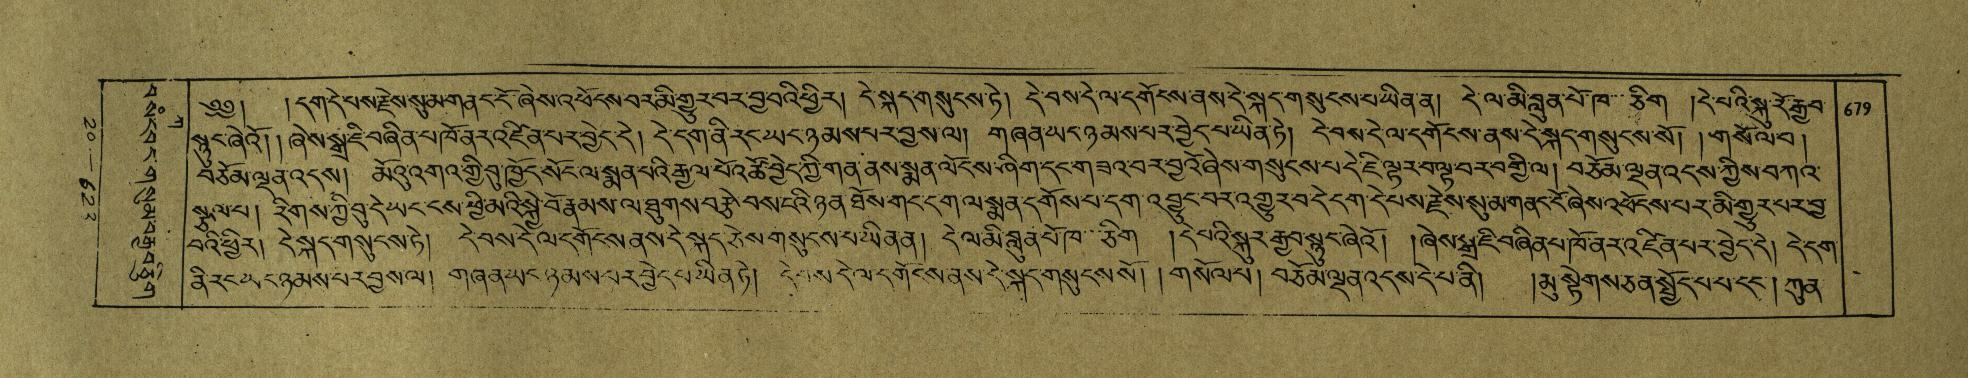༄༅། །དག་དེ་པས་རྗེས་སུ་མ་གནང་ངོ་ཞེས་འཕོངས་བར་མི་གྱུར་བར་བྱ་བའི་ཕྱིར། དེ་སྐད་གསུངས་ཏེ། དེ་བས་དེ་ལ་དགོངས་ནས་དེ་སྐད་གསུངས་པ་ཡིན་ན། དེ་ལ་མི་བླུན་པོ་ཁ་ཅིག །དེ་པའི་སྐུ་རོ་རྒྱབ་
སྙུང་ཞེའོ། །ཞེས་སྒྲ་ཇི་བཞིན་པ་ཁོ་ནར་འཛིན་པར་བྱེད་དེ། དེ་དག་ནི་རང་ཡང་ཉམས་པར་བྱས་ལ། གཞན་ཡང་ཉམས་པར་བྱེད་པ་ཡིན་ཏེ། དེ་བས་དེ་ལ་དགོངས་ནས་དེ་སྐད་གསུངས་སོ། །གསོལ་བ།
བཅོམ་ལྡན་འདས། མོའུ་འགའ་གྱི་བུ་ཁྱོད་སོང་ལ་སྨན་པའི་རྒྱལ་པོ་འཚོ་བྱེད་ཀྱི་གན་ནས་སྨན་ལོངས་ཤིག་དང་གཟའ་བར་བྱའོ་ཞེས་གསུངས་པ་དེ་ཇི་ལྟར་བ་ལྟ་བར་བགྱི་ལ། བཅོམ་ལྡན་འདས་ཀྱིས་བཀའ་
སྩལ་པ། རིགས་ཀྱི་བུ་དེ་ཡང་ངས་ཕྱི་མའི་སྐྱེ་བོ་རྣམས་ལ་ཐུགས་བརྩེ་བས་ངའི་ཉན་ཐོས་གང་དག་ལ་སྨན་དགོས་པ་དག་འབྱུང་བར་འགྱུར་བ་དེ་དག་དེ་པས་རྗེས་སུ་མ་གནང་ངོ་ཞེས་འཕོངས་པར་མི་གྱུར་པར་བྱ་
པའི་ཕྱིར། དེ་སྐད་གསུངས་ཏེ། དེ་བས་དེ་ལ་དགོངས་ནས་དེ་སྐད་ཅེས་གསུངས་པ་ཡིན་ན། དེ་ལ་མི་བླུན་པོ་ཁ་ཅིག །དེ་པའི་སྐུར་རྒྱབ་སྙུང་ཞེའོ། །ཞེས་སྒྲ་ཇི་བཞིན་པ་ཁོ་ནར་འཛིན་པར་བྱེད་དེ། དེ་དག་
ནི་རང་ཡང་ཉམས་པར་བྱས་ལ། གཞན་ཡང་ཉམས་པར་བྱེད་པ་ཡིན་ཏེ། དེ་བས་དེ་ལ་དགོངས་ནས་དེ་སྐད་གསུངས་སོ། །གསོལ་པ། བཅོམ་ལྡན་འདས་དེ་པ་ནི། །མུ་སྟེགས་ཅན་སྤྱོད་པ་པ་དང་། ཀུན་